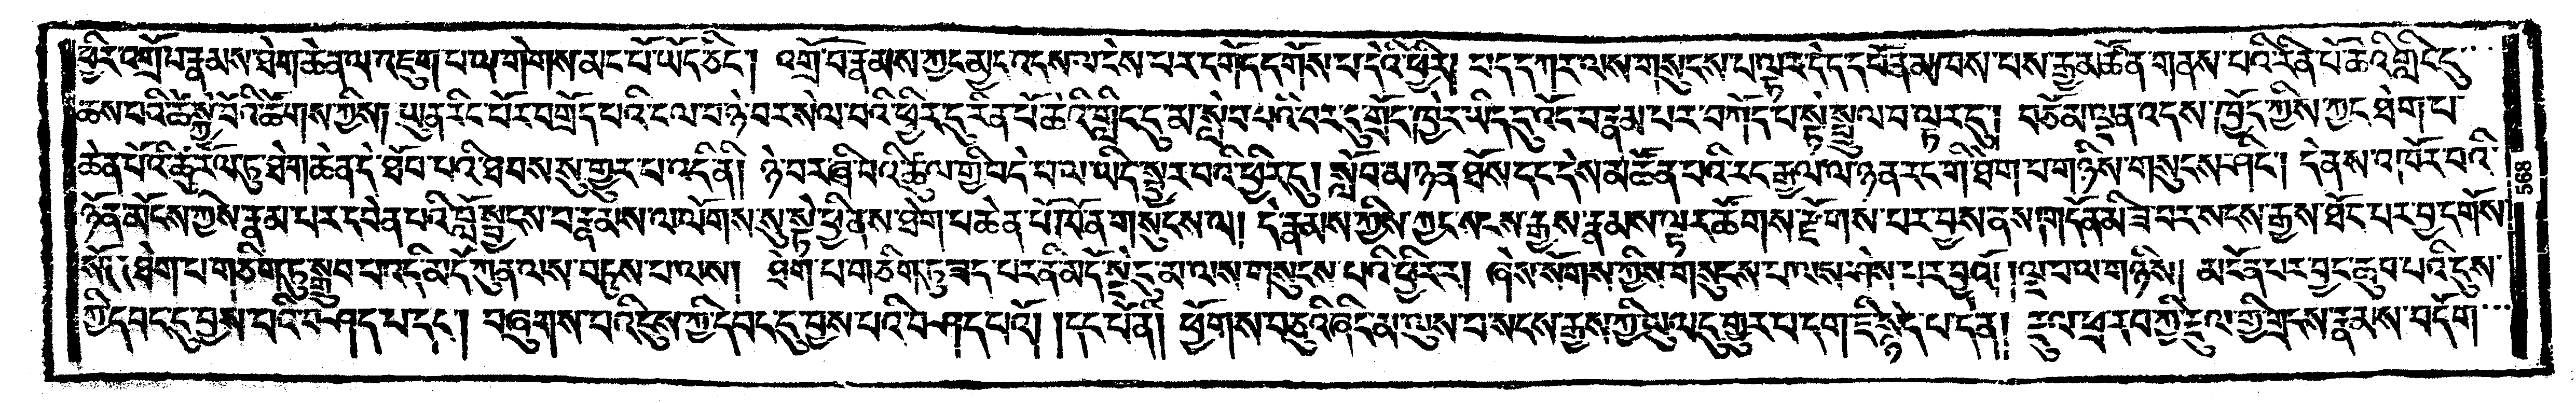ཕྱིར་འགྲོ་བ་རྣམས་ཐེག་ཆེན་ལ་འཇུག་པ་ལ་གེགས་མང་པོ་ཡོད་ཅིང་། འགྲོ་བ་རྣམས་ཀྱང་མྱང་འདས་ལ་ངེས་པར་དགོད་དགོས་པ་དེའི་ཕྱིར། པད་དཀར་ལས་གསུངས་པ་ལྟར་དེད་དཔོན་མཁས་པས་རྒྱ་མཚོ་ན་གནས་པའི་རིན་པོ་ཆེའི་གླིང་དུ་
ཆས་པའི་ཚེ་སྐྱེ་བོའི་ཚོགས་ཀྱིས། ཡུན་རིང་པོར་བགྲོད་པའི་ངལ་བ་ཉེ་བར་སེལ་བའི་ཕྱིར་དུ་རིན་པོ་ཆེའི་གླིང་དུ་མ་སླེབས་པའི་བར་དུ་གྲོང་ཁྱེར་ཡིད་དུ་འོང་བ་རྣམ་པར་བཀོད་པ་སྟེ་སྤྲུལ་པ་ལྟར་དུ། བཅོམ་ལྡན་འདས་ཁྱོད་ཀྱིས་ཀྱང་ཐེག་པ་
ཆེན་པོའི་ཚུ་རོལ་ཏུ་ཐེག་ཆེན་དེ་ཐོབ་པའི་ཐབས་སུ་གྱུར་པ་འདི་ནི། ཉེ་བར་ཞི་བའི་ཚུལ་གྱི་བདེ་བ་ལ་ཡིད་སྦྱར་བའི་ཕྱིར་དུ། སློབ་མ་ཉན་ཐོས་དང་དེས་མཚོན་པའི་རང་རྒྱལ་ལ་ཉན་རང་གི་ཐེག་པ་གཉིས་གསུངས་ཤིང་། དེ་ནས་འཁོར་བའི་
ཉོན་མོངས་ཀྱིས་རྣམ་པར་དབེན་པའི་བློ་སྦྱངས་པ་རྣམས་ལ་ལོགས་སུ་སྟེ་ཕྱི་ནས་ཐེག་པ་ཆེན་པོ་ཁོ་ན་གསུངས་ལ། དེ་རྣམས་ཀྱིས་ཀྱང་སངས་རྒྱས་རྣམས་ལྟར་ཚོགས་རྫོགས་པར་བྱས་ནས། གདོན་མི་ཟ་པར་སངས་རྒྱས་ཐོབ་པར་བྱ་དགོས་
སོ༑ ༑ཐེག་པ་གཅིག་ཏུ་སྒྲུབ་པ་འདི་མདོ་ཀུན་ལས་བཏུས་པ་ལས། ཐེག་པ་གཅིག་ཏུ་ཟད་པར་ནི་མདོ་སྡེ་དུ་མ་ལས་གསུངས་པའི་ཕྱིར་རོ། ཞེས་སོགས་ཀྱིས་གསུངས་པ་ལས་ཤེས་པར་བྱའོ། །ལྔ་པ་ལ་གཉིས། མངོན་པར་བྱང་ཆུབ་པའི་དུས་
ཀྱི་དབང་དུ་བྱས་པའི་བཤད་པ་དང་། བཞུགས་པའི་དུས་ཀྱི་དབང་དུ་བྱས་པའི་བཤད་པའོ། །དང་པོ་ནི། ཕྱོགས་བཅུའི་ཞིང་མ་ལུས་པ་སངས་རྒྱས་ཀྱི་ཡུལ་དུ་གྱུར་པ་དག་ཇི་སྙེད་པ་དེ་ན། རྡུལ་ཕྲ་རབ་ཀྱི་རྡུལ་གྱི་གྲངས་རྣམས་བདོག་